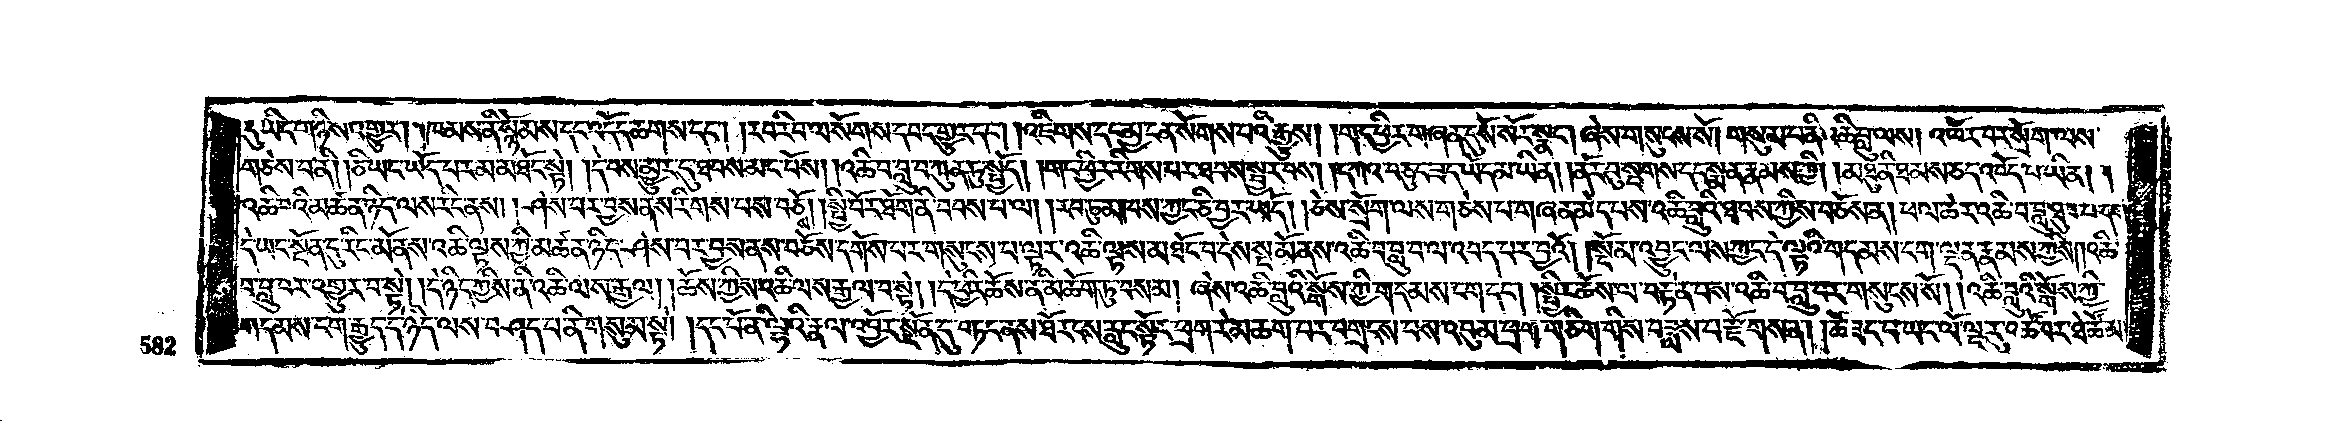དུ་ཡིད་གཉིས་འགྱུར། །ཁམས་ནི་སྙོམས་དང་འདོད་ཆགས་དང་། །རབ་རིབ་ལ་སོགས་དབང་གྱུར་དང་། །འཇིགས་དང་མྱ་ངན་སོགས་པའི་རྒྱུས། །གང་ཕྱིར་གཞན་དུ་སོ་སོར་སྣང་། ཞེས་གསུངས་སོ། གསུམ་པ་ནི། འཆི་བླུ་ལས། འཁོར་བར་སྲོག་ལས་
གཅེས་པ་ནི། །ཅི་ཡང་ཡོད་པར་མ་མཐོང་སྟེ། །དེ་བས་མྱུར་དུ་ཐབས་མང་པོས། །འཆི་བ་བླུ་བ་ཀུན་ཏུ་སྤྱོད། །གང་ཕྱིར་རིགས་པར་ཐབས་སྦྱར་བས། །དཀའ་བ་ཅུང་ཟད་ཡོད་མ་ཡིན། །ནོར་བུ་སྤགས་དང་སྨན་རྣམས་ཀྱི། །མཐུ་ནི་ཐམས་ཅད་འབོད་པ་ཡིན། །
འཆི་བའི་མཚན་ཉིད་ལས་རིང་ནས། །ཤེས་པར་བྱས་ནས་རིགས་པས་བཅོས། །སྤྱི་བོར་ཐོག་ནི་བབས་པ་ལ། །རབ་ཏུ་མཁས་ཀྱང་ཅི་བྱར་ཡོད། །ཅེས་སྲོག་ལས་གཅེས་པ་གཞན་མེད་པས་འཆི་བླུའི་ཐབས་ཀྱིས་བཅོས་ན། ཕལ་ཆེར་འཆི་བ་བླུ་ཐུབ་པ་དང་
དེ་ཡང་སྔོན་དུ་རོང་མོ་ནས་འཆི་ལྟས་མཚན་ཉིད་ཤེས་པར་བྱས་ནས་བཅོས་དགོས་པར་གསུངས་པར་ལྟར་འཆི་ལྟས་མཐོང་བ་དེས་སྔ་མོ་ནས་འཆི་བ་བླུ་བ་ལ་འབད་པར་བྱའོ། །སྡོམ་འབྱུང་ལས་ཀྱང་དེ་ལྟའི་གསམས་ངག་ལྡན་རྣམས་ཀྱིས། །འཆི་
བ་བླུ་བར་འགྱུར་བ་སྟེ། །དེ་ཉིད་ཀྱིས་ནི་འཆེ་ལས་རྒྱལ། །ཆོས་ཀྱི་འཆི་ལས་རྒྱལ་བ་སྟེ། །དེ་ཕྱིར་ཆོས་ནི་མཆོག་ཏུ་བསམ། ཞེས་འཆི་བླུའི་སྒོས་ཀྱི་གདམས་ངག་དང་། །སྤྱིར་ཆོས་ལ་བརྟེན་པས་འཆི་བ་བླུ་བར་གསུངས་སོ། །འཆི་བླུའི་སྒོས་ཀྱི་
གདམས་ངག་རྒྱུད་དེ་ཉིད་ལས་བཤད་པ་ནི་གསུམ་སྟེ། །དང་པོ་ནི་ལྷའི་རྣལ་འབྱོར་སྔོན་དུ་བཏང་ནས་ཐོ་རངས་རླུང་སྟོང་ཕྲག་རེ་མ་ཆག་པར་བགངས་པས་འབུམ་ཕྲག་གཅིག་གིས་བཟླས་བརྗོད་ན། །ཆོ་ཟད་པ་ཡང་ལོ་ལྔ་རུ་འཚོ་བར་ཐེ་ཚོམ་